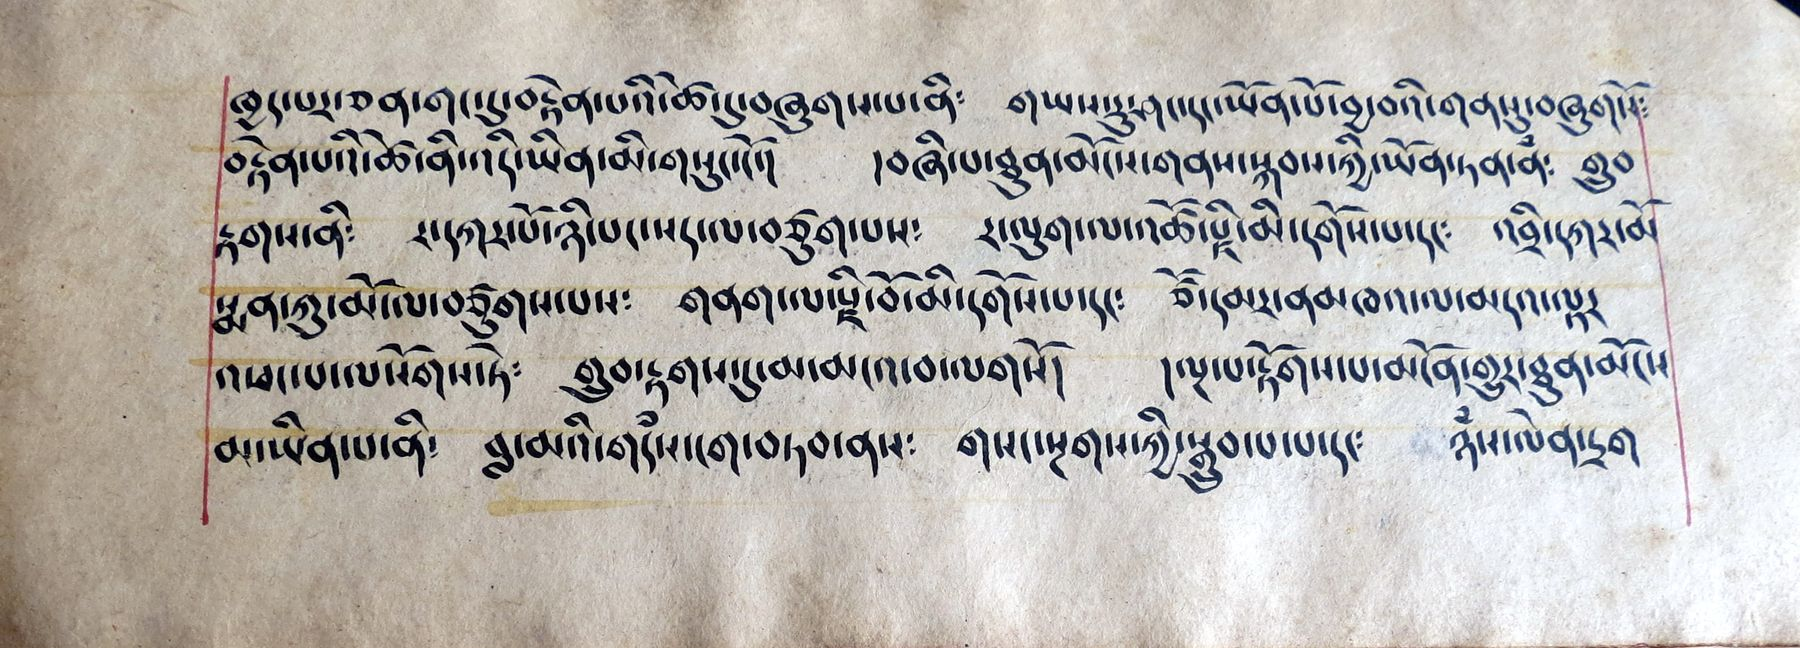ཁྱད་པར་ཅན་གང་དུ་བརྟེན་པའི་ཚེ་དུ་བཞུགས་པ་ནི། གཡས་རུ་ཤངས་དང་ཡོན་པོ་བྱ་བའི་གནས་སུ་བཞུགས་སོ། །
བརྟེན་པའི་ཚེ་ནི་འདི་ཡིན་མི་གསུང་ངོ་། །བཞི་པ་ཐུན་མོང་དང་གནས་སྐབས་ཀྱི་ཡོན་ཏན་དང་གྲུབ་
རྟགས་ནི་ར་དཀར་པོ་ཉི་པང་སད་ལ་བཙུག་པས། ར་ལུག་ལ་འཚོ་རྫི་མི་དགོས་པ་དང་། འབྲི་དཀར་མོ་
སྨན་ཀུ་མོ་ལ་བཙུག་པས། གནག་ལ་རྫི་བོ་མི་དགོས་པ་དང་། ཙོ་དམར་ནམ་མཁའ་ལ་མདའ་ལྟར་
འཕང་བ་ལས་སོགས་ཏེ། གྲུབ་རྟགས་དུ་མ་མངའ་བ་ལགས་སོ། །ལྔ་པ་རྟོགས་པ་མངོན་གྱུར་ཐུན་མོང་
མ་ཡིན་པ་ནི། བླ་མའི་གདམས་ངག་བཏབ་ནས། གསང་སྔགས་ཀྱི་སྒྲུབ་པ་དང་ཉམས་ལེན་དྲག་